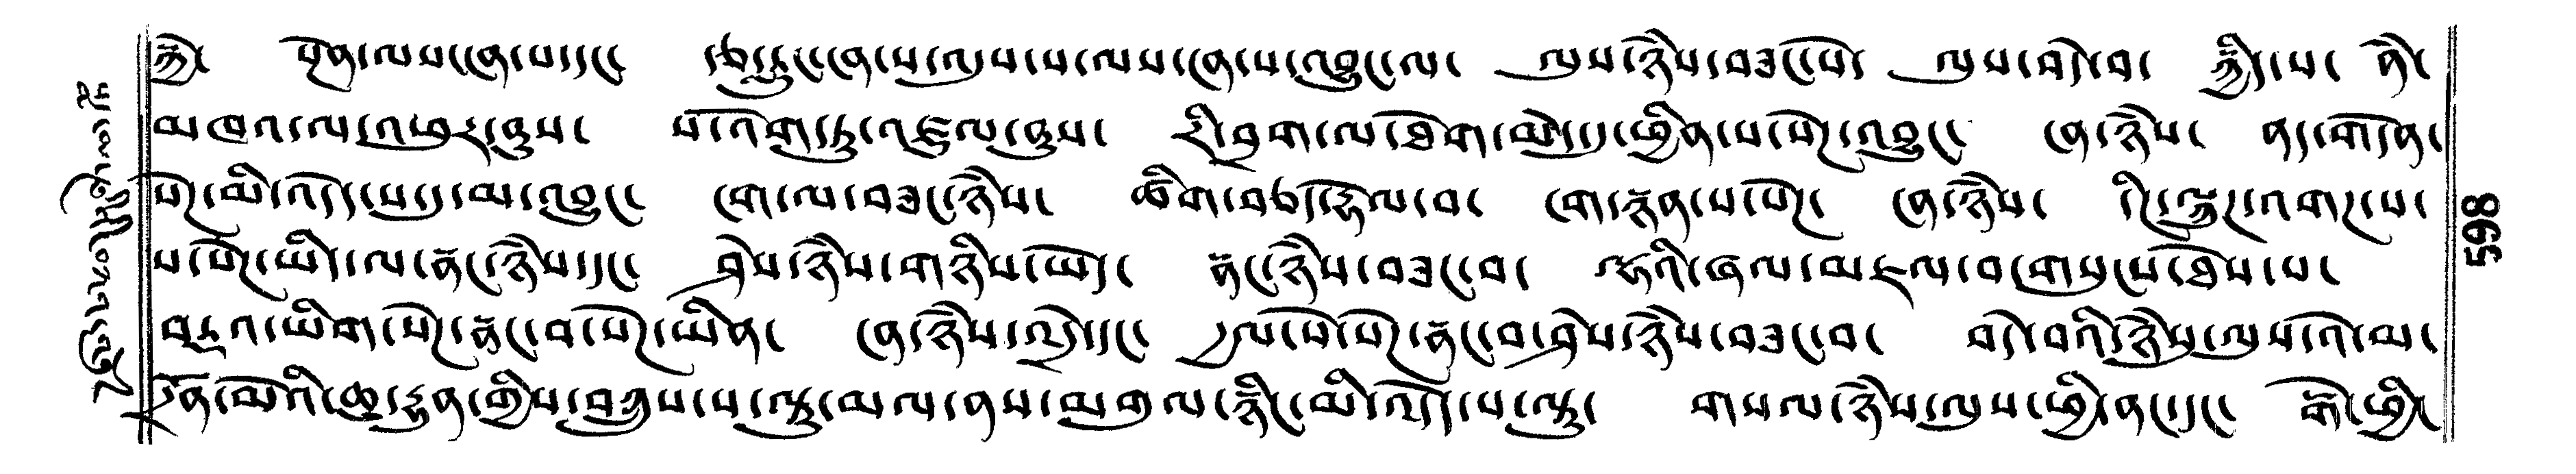སྐྱེ། སྔོན་ལས་ངན་པ་དང་། རྩ་རླུང་ངན་པ་འདུས་པ་ལས་ངན་པ་འབྱུང་ལ། ལུས་ཉམས་བཟང་པོ། ལུས་བདེ་བ། སྐྱིད་པ། ནམ་
མཁའ་ལ་འཕུར་ནུས། ས་འོག་ཏུ་འཛུལ་ནུས། རི་བྲག་ལ་ཐོགས་མེད་དུ་ཕྱིན་པ་སོགས་འབྱུང་། ངན་ཉམས། ནད་གདོན་
སོགས་མི་འདོད་པ་དུ་མ་འབྱུང་། ངག་ལ་བཟང་ཉམས། ཚིག་བཅད་རྡོལ་བ། ངག་སྙན་པ་སོགས། ངན་ཉམས། དིག་ལྐུགས་འགགས་པ་
པ་སོགས། ཡིད་ལ་སྣང་ཉམས་དང་། ཤེས་ཉམས་གཉིས་ཡོད། སྣང་ཉམས་བཟང་བ། ལྷའི་ཞལ་མཇལ་བ། གསུང་ཐོས་པ། 
བརྡའ་ཡིག་སོགས་སྣང་བ་ཡིན། ངན་ཉམས་འདྲེ་དང་།རྒྱལ་པོ་སོགས་སྣང་བ། ཤེས་ཉམས་བཟང་བ། བདེ་བགསའི་ཉམས་སུ་ལུས་འོ་མ་
དྲོན། མོའི་ཆུ་རྒྱུན་གྱིས་བཀྲུས་པ་ལྟ་བུ་མལ་ནས་འགུལ་སྙིང་མི་འདོད་པ་ལྟ་བུ། གསལ་ཉམས་ལུས་ཕྱི་ནང་དང་། སྒོ་ཕྱི་